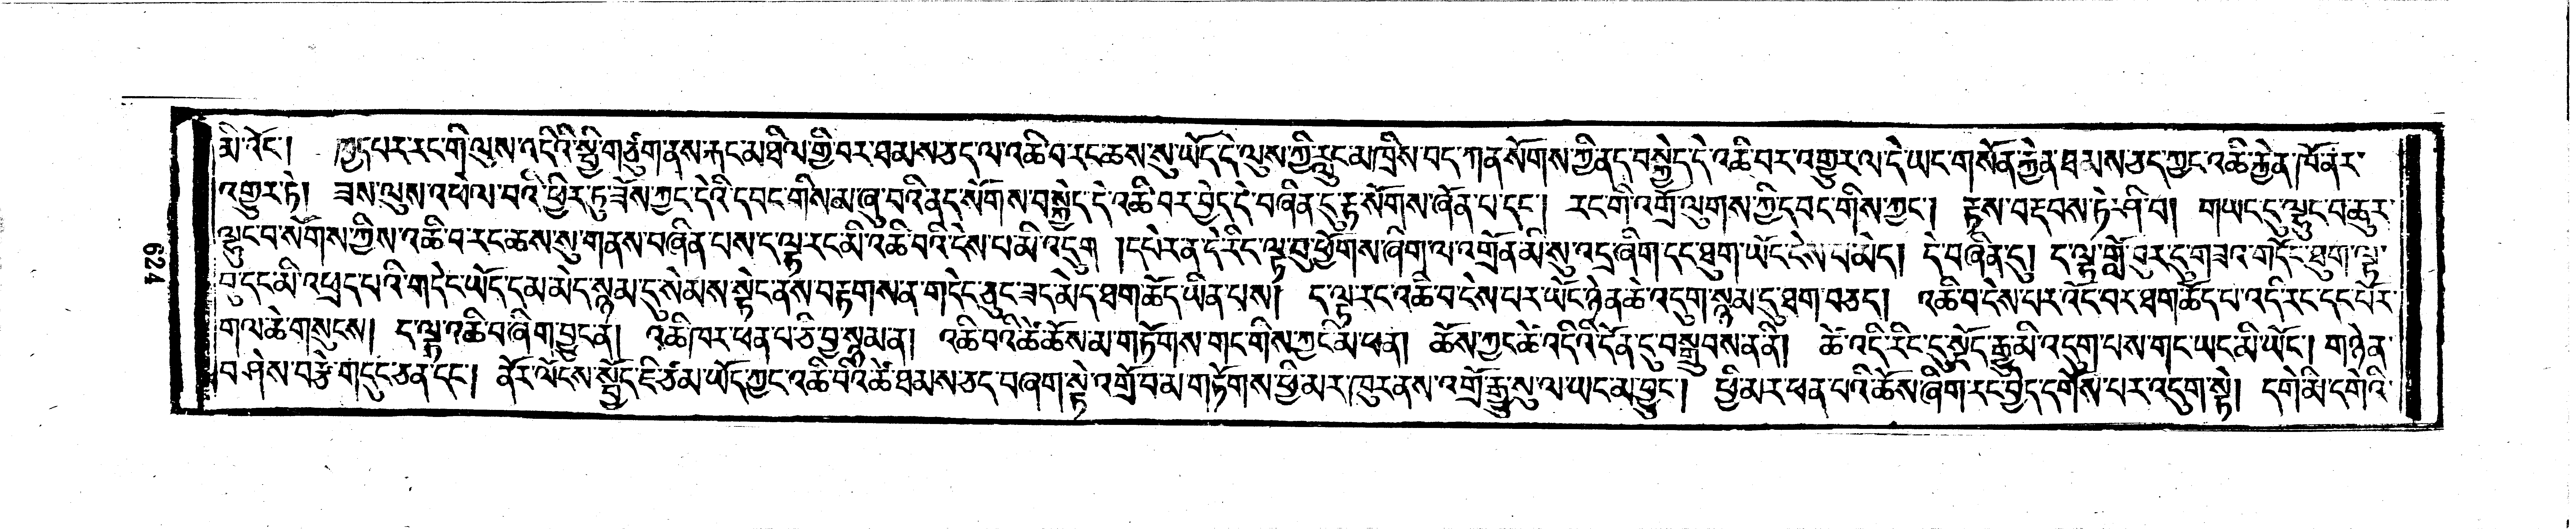མི་འོང་། ཁྱད་པར་རང་གི་ལུས་འདིའི་སྤྱི་གཙུག་ནས་རྐང་མཐིལ་གྱི་བར་ཐམས་ཅད་ལ་འཆི་བ་རང་ཆས་སུ་ཡོད་དེ་ལུས་ཀྱི་རླུང་མཁྲིས་བད་ཀན་སོགས་ཀྱི་ནད་བསྐྱེད་དེ་འཆི་བར་འགྱུར་ལ་དེ་ཡང་གསོན་རྐྱེན་ཐམས་ཅད་ཀྱང་འཆི་རྐྱེན་ཁོ་ནར་
འགྱུར་ཏེ། ཟས་ལུས་འཕེལ་བའི་ཕྱིར་ཏུ་ཟོས་ཀྱང་དེའི་དབང་གིས་མ་ཞུ་བའི་ནད་སོགས་བསྐྱེད་དེ་འཆི་བར་བྱེད་དེ་བཞིན་དུ་རྟ་སོགས་ཞོན་པ་དང་། རང་གི་འགྲོ་ལུགས་ཀྱི་དབང་གིས་ཀྱང་། རྟས་བརྡབས་ཏེ་ཤི་བ། གཡང་དུ་ལྷུང་བ་ཆུར་
ལྷུང་བ་སོགས་ཀྱིས་འཆི་བ་རང་ཆས་སུ་གནས་བཞིན་པས་ད་ལྟ་རང་མི་འཆི་བའི་ངེས་པ་མི་འདུག །དཔེར་ན་དེ་རིང་ལྟ་བུ་ཕྱོགས་ཞིག་ལ་འགྲོན་མི་སུ་འདྲ་ཞིག་དང་ཐུག་ཡོང་ངེས་པ་མེད། དེ་བཞིན་དུ། ད་ལྟ་གློ་བུར་དུ་གཟའ་གདོང་ཐུག་ལྟ་
བུ་དང་མི་འཕྲད་པའི་གདེང་ཡོད་དམ་མེད་སྙམ་དུ་སེམས་སྟེང་ནས་བརྟགས་ན་གདེང་ཅུང་ཟད་མེད་ཐག་ཆོད་ཡིན་པས། ད་ལྟ་རང་འཆི་བ་ངེས་པར་ཡོང་ཉེན་ཆེ་འདུག་སྙམ་དུ་ཐག་བཅད། འཆི་བ་ངེས་པར་འོང་བར་ཐག་ཆོད་པ་འདི་རང་དང་པོར་
གལ་ཆེ་གསུངས། ད་ལྟ་འཆི་བ་ཞིག་བྱུང་ན། འཆི་ཁར་ཕན་པ་ཅི་བྱ་སྙམ་ན། འཆི་བའི་ཚེ་ཆོས་མ་གཏོགས་གང་གིས་ཀྱང་མི་ཕན། ཆོས་ཀྱང་ཚེ་འདིའི་དོན་དུ་བསྒྲུབས་ན་ནི། ཚེ་འདི་རིང་དུ་སྡོད་རྒྱུ་མི་འདུག་པས་གང་ཡང་མི་ཡོང་། གཉེན་
བཤེས་བརྩེ་གདུང་ཅན་དང་། ནོར་ལོངས་སྦྱོད་ཇི་ཙམ་ཡོད་ཀྱང་འཆི་བའི་ཚེ་ཐམས་ཅད་བཞག་སྟེ་འགྲོ་བ་མ་གཏོགས་ཕྱི་མར་ཁུར་ནས་འགྲོ་རྒྱུ་སུ་ལ་ཡང་མ་བྱུང་། ཕྱི་མར་ཕན་པའི་ཆོས་ཞིག་རང་བྱེད་དགོས་པར་འདུག་སྟེ། དགེ་མི་དགེའི་